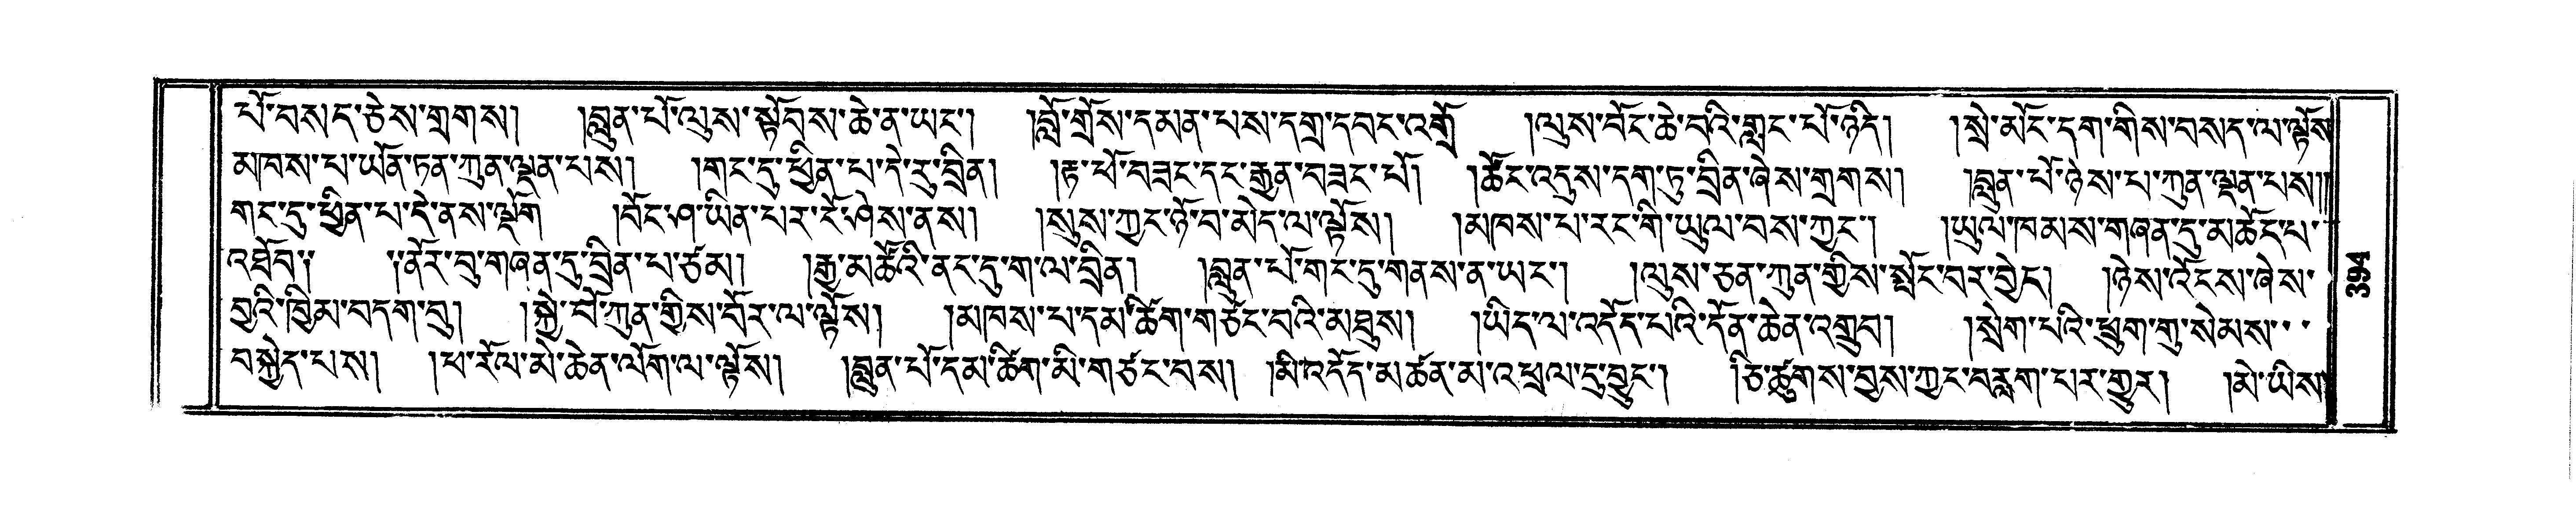པོ་བསད་ཅེས་གྲགས། །བླུན་པོ་ལུས་སྟོབས་ཆེ་ན་ཡང་། །བློ་གྲོས་དམན་པས་དགྲ་དབང་འགྲོ་།ལུས་བོང་ཆེ་བའི་གླང་པོ་ཉིད། །སྲེ་མོང་དག་གིས་བསད་ལ་ལྟོས་
མཁས་པ་ཡོན་ཏན་ཀུན་ལྡན་པས། །གང་དུ་ཕྱིན་པ་དེ་རུ་བྲིན། །རྟ་ཕོ་བཟང་དང་རྒྱན་བཟང་པོ། །ཚོང་འདུས་དག་ཏུ་བྲིན་ཞེས་གྲགས། །བླུན་པོ་ཉེས་པ་ཀུན་ལྡན་པས།།
གང་དུ་ཕྱིན་པ་དེ་ནས་ལྡོག །བོང་ཤ་ཡིན་པར་ངོ་ཤེས་ནས། །སུས་ཀྱང་ཉོ་བ་མེད་ལ་ལྟོས། །མཁས་པ་རང་གི་ཡུལ་བས་ཀྱང་། །ཡུལ་ཁམས་གཞན་དུ་མཆོད་པ་
འཐོབ༑ ༑ནོར་བུ་གཞན་དུ་བྲིན་པ་ཙམ། །རྒྱ་མཚོའི་ནང་དུ་ག་ལ་བྲིན། །བླུན་པོ་གང་དུ་གནས་ན་ཡང་། །ལུས་ཅན་ཀུན་གྱིས་སྤོང་བར་བྱེད། །ཉེས་འོངས་ཞེས་
བྱའི་ཁྱིམ་བདག་བུ། །སྐྱེ་བོ་ཀུན་གྱིས་བོར་ལ་ལྟོས། །མཁས་པ་དམ་ཚིག་གཙང་བའི་མཐུས། །ཡིད་ལ་འདོད་པའི་དོན་ཆེན་འགྲུབ། །སྲེག་པའི་ཕྲུག་གུ་སེམས་
བསྐྱེད་པས། །ཕ་རོལ་མེ་ཆེན་ལོག་ལ་ལྟོས། །བླུན་པོ་དམ་ཚིག་མི་གཙང་བས། །མི་འདོད་མཚན་མ་འཕྲལ་དུ་བྱུང་། །ཅི་ཚུགས་བྱས་ཀྱང་བརླག་པར་གྱུར། །མེ་ཡིས་